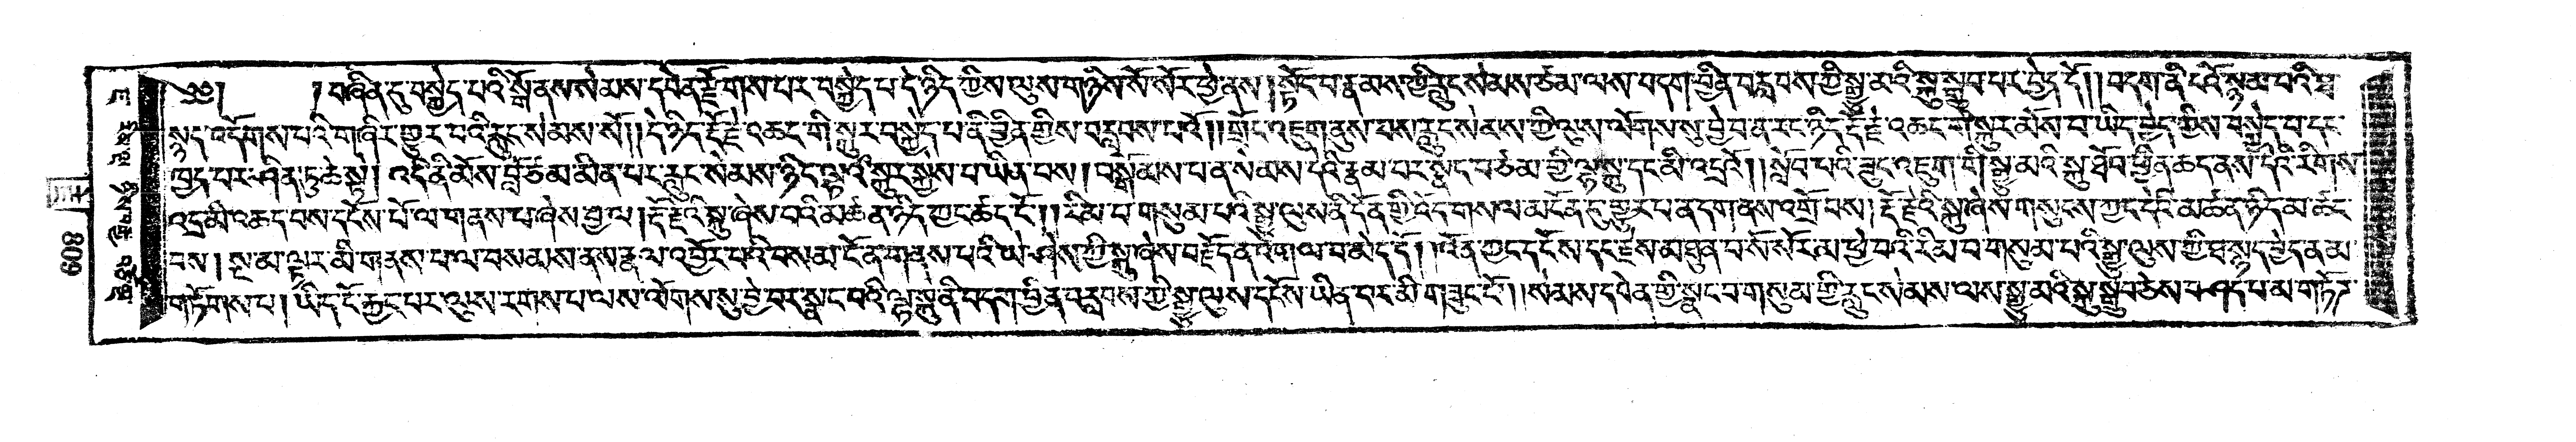༄༅། །བཞིན་དུ་བསྐྱེད་པའི་སྒོ་ནས་སེམས་དབེན་རྫོགས་པར་བསྐྱེད་པ་དེ་ཉིད་ཀྱིས་ལུས་གཉིས་སོ་སོར་ཕྱེ་ནས། སྟོང་པ་རྣམས་ཀྱི་རླུང་སེམས་ཙམ་ལས་བདག་བྱིན་བརླབས་ཀྱི་སྒྱུ་མའི་སྐུ་སྒྲུབ་པར་བྱེད་དོ། །བདག་ནི་ངའོ་སྙམ་པའི་ཐ་
སྙད་འདོགས་པའི་གཞིར་གྱུར་པའི་རླུང་སེམས་སོ། །དེ་ཉིད་རྡོ་རྗེ་འཆང་གི་སྐུར་བསྐྱེད་པ་ནི་བྱིན་གྱིས་བརླབས་པའོ། །གྲོང་འཇུག་ནུས་པས་རླུང་སེམས་ཀྱི་ལུས་ལོགས་སུ་བྱེ་བ་ན་རང་ཉིད་རྡོ་རྗེ་འཆང་གི་སྐུར་མོས་པ་ཡིད་བྱེད་ཀྱིས་བསྐྱེད་པ་དང་
ཁྱད་པར་ཤིན་ཏུ་ཆེ་སྟེ། འདི་ནི་མོས་བློ་ཙམ་མིན་པར་རླུང་སེམས་ཉིང་ལྷའི་སྐུར་སྐྱེས་པ་ཡིན་པས། བསྒོམས་པ་ན་སེམས་དེའི་རྣམ་པར་སྣང་བ་ཙམ་གྱི་ལྷ་སྐུ་དང་མི་འདྲའོ། །སློབ་པའི་ཟུང་འཇུག་གི་སྒྱུ་མའི་སྐུ་ཐོབ་ཕྱིན་ཆད་ནས་དེའི་རིགས་
འདྲ་མི་འཆད་པས་དངོས་པོ་ལ་གནས་པ་ཞེས་བྱ་ལ། རྡོ་རྗེའི་སྐུ་ཞེས་པའི་མཚན་ཉིད་ཀྱང་ཚང་ངོ། །རིམ་པ་གསུམ་པའི་སྒྱུ་ལུས་ནི་དོན་གྱི་འོད་གསལ་མངོན་དུ་གྱུར་པ་ན་དག་ནས་འགྲོ་བས། རྡོ་རྗེའི་སྐུ་ཞེས་གསུངས་ཀྱང་དེའི་མཚན་ཉིད་མ་ཚང་
བས། སྔ་མ་ལྟར་མི་གནས་པ་ལ་བསམས་ནས་རྣལ་འབྱོར་བའི་བསམ་ངོ་ན་གནས་པའི་ཡེ་ཤེས་ཀྱི་སྐུ་ཞེས་བརྗོད་ན་འགལ་བ་མེད་དོ། །འོན་ཀྱང་དངོས་དང་རྗེས་མཐུན་པ་སོ་སོར་མ་ཕྱེ་བའི་རིམ་པ་གསུམ་པའི་སྒྱུ་ལུས་ཀྱི་ཐ་སྙེད་བྱེད་ན་མ་
གཏོགས་པ། ཡིད་ངོ་རྐྱང་པར་ལུས་རགས་པ་ལས་ལོགས་སུ་བྱེ་བར་སྣང་བའི་ལྷ་སྐུ་ནི་བདག་བྱིན་བརླབས་ཀྱི་སྒྱུ་ལུས་དངོས་ཡིན་པར་མི་གཟུང་ངོ། །སེམས་དབེན་གྱི་སྣང་བ་གསུམ་གྱི་རླུང་སེམས་ལས་སྒྱུ་མའི་སྐུ་སྒྲུབ་ཅེས་བཤད་པ་མ་གཏོགས་